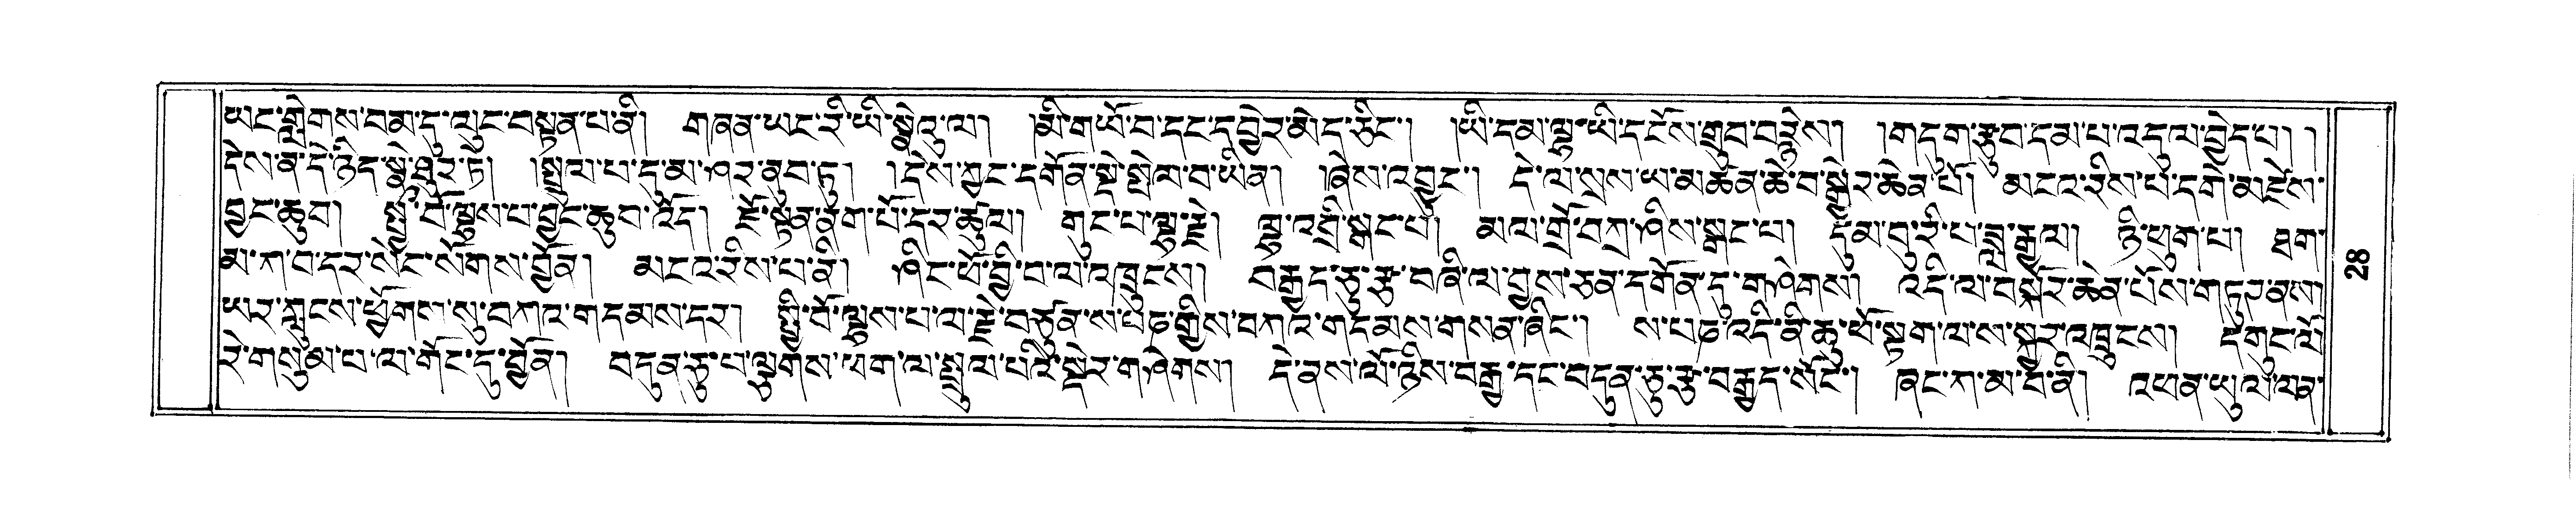ཡང་གླེགས་བམ་དུ་ལུང་བསྟན་པ་ནི། གཞན་ཡང་རི་ཡི་སྣེའུ་ལ། །མི་གཡོ་བ་དང་དབྱེར་མེད་ཅིང་། །ཡི་དམ་ལྷ་ཡི་དངོས་གྲུབ་བརྙེས། །གདུག་རྩུབ་དམ་པ་འདུལ་བྱེད་པ། །
དེས་ན་དེ་ཉིད་སྣེ་ཐུར་ཏེ། །སྤྲུལ་པ་དུ་མ་ཤར་ནུབ་ཏུ། །དེས་ཀྱང་དགོན་སྡེ་སྤེལ་བ་ཡིན། །ཞེས་འབྱུང་། དེ་ལ་སྲས་ཡ་མཚན་ཆེ་བ་སྒྱེར་ཆེན་པོ། མངའ་རིས་པ་དགེ་མཛེས་
བྱང་ཆུབ། སྤྱི་བོ་ལྷས་པ་བྱང་ཆུབ་འོད། ཇོ་སྟན་ནག་པོ་དར་ཚུལ། གུང་པ་ལྷ་རྗེ། ལྷ་འབྲི་སྒང་པ། མལ་གྲོ་བཀྲ་ཤིས་སྒང་པ། དུམ་བུ་རི་པ་ཟླ་རྒྱལ། ཉི་ཕུག་པ། ཐག་
མ་ཀ་བ་དར་སེང་སོགས་བྱོན། མངའ་རིས་པ་ནི། ཤིང་ཕོ་བྱི་བ་ལ་འཁྲུངས། བརྒྱད་ཅུ་རྩ་བཞི་ལ་བྱས་ཅན་དགོན་དུ་གཤེགས། འདི་ལ་བསྐོར་ཆེན་པོས་གཏུཌ་ནས།
ཡར་ཀླུངས་ཕྱོགས་སུ་བཀའ་གདམས་དར། སྤྱི་བོ་ལྷས་པ་ལ་རྗེ་བཙུན་ས་པཎ་གྱིས་བཀའ་གདམས་གསན་ཞིང་། ས་པཎ་འདི་ནི་ཆུ་ཕོ་སྟག་ལ་ས་སྐྱར་འཁྲུངས། དགུང་ལོ་
རེ་གསུམ་པ་ལ་གོང་དུ་བྱོན། བདུན་ཅུ་པ་ལྕགས་ཕག་ལ་སྤྲུལ་པའི་སྡེར་གཤེགས། དེ་ནས་ལོ་ཉིས་བརྒྱ་དང་བདུན་ཅུ་རྩ་བརྒྱད་སོང་། ཞང་ཀ་མ་བ་ནི། འཕན་ཡུལ་ལན་